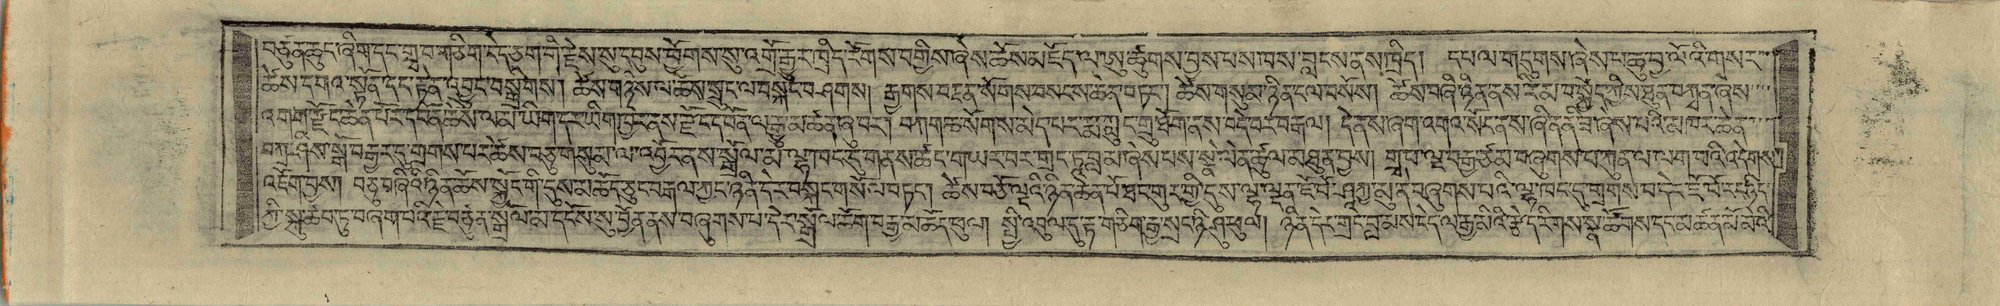བཙུན་ཆུང་ཞིག་དང་གྲྭ་བ་གཅིག་ངེད་ཅག་གི་རྗེས་སུ་དབུས་ཕྱོགས་སུ་འགྲོ་རྒྱུར་ཁྲིད་རོགས་བགྱིས་ཞེས་ཆོས་མཛོད་ལ་ཨུ་ཚུགས་བྱས་པས་ཁས་བླངས་ནས་ཁྲིད། དཔལ་གདུགས་ཞེས་པ་ཆུ་བྱ་ལོའི་གསར་
ཚེས་དགའ་སྟོན་དང་རྟེན་འབྱུང་བསྒྲིགས། ཚེས་གཉིས་ལ་ཆོས་སྲུང་ལ་བསྐང་བཤགས། རྒྱགས་བརྔན་སོགས་བསངས་ཆེན་བཏང་། ཚེས་གསུམ་ཉིན་ངལ་བསོས། ཚེས་བཞི་ཉིན་ནས་རིམ་བསྐྱེད་ཀྱིས་ཐུན་བཀྭན་ཞེས་
འགག་རྫོང་ཆེན་པོར་དབོན་ཆོས་ལམ་ཡིག་དར་ཡིག་ཁྱེར་ནས་རྫོང་དབོན་ལ་རྒྱུ་མཚན་ཞུ་བར། བཀག་ཆ་སོགས་མེད་པར་རྨ་ཀླུང་གྲུ་ཐོག་ནས་བདེ་བར་བརྒལ། དེ་ནས་ཞག་འགའ་སོང་ནས་ཞི་ནན་ཟི་ཞེས་པའི་མཁར་ཆེན་
བཀྲ་ཤིས་སྒོ་བརྒྱར་དུ་གྲགས་པར་ཚེས་བཅུ་གསུམ་ལ་འབྱོར་ནས་སྒྲོལ་མ་ལྷ་ཁང་དུ་གནས་ཚང་གཡར་བར་གྲང་ཏཱ་བླ་མ་ཞེས་པས་སྣེ་ལེན་ཚུལ་མཐུན་བྱས། གྲྭ་པ་ལྔ་བརྒྱ་ཙམ་བཞུགས་པ་ཀུན་ལ་ལག་པའི་འདེགས་
འཇོག་བྱས། བཅུ་བཞིའི་ཉིན་ཆོས་སྐྱོང་གི་དུས་མཆོད་ཅུང་བརྒལ་ཀྱང་ཉིན་དེར་བསྐང་གསོལ་བཏང་། ཚེས་བཅོ་ལྔའི་ཉིན་ཆེན་པོ་ཐང་གུར་གྱི་དུས་ལྷ་ལྡན་ཇོ་བོ་ཤཱཀྱ་མུ་ནེ་བཞུགས་པའི་ལྷ་ཁང་དུ་གྲགས་པ་དེར་ཇོ་བོ་རང་ཉིད་
ཀྱི་སྐུ་ཚབ་ཏུ་བཞག་པའི་རྗེ་བཙུན་སྒྲོལ་མ་དངོས་སུ་བྱོན་ནས་བཞུགས་པ་དེར་སྒྲོལ་ཆོག་བརྒྱ་མཆོད་ཕུལ། སྤྱི་འབུལ་དུ་རྟ་གཅིག་རྒྱ་སྲང་ཉི་ཤུ་ཕུལ། ཉིན་དེར་གྲང་བླ་མས་ངེད་ལ་རྒྱ་མིའི་རྩེད་རིགས་སྣ་ཚོགས་དང་མཚན་མོ་མེའི་